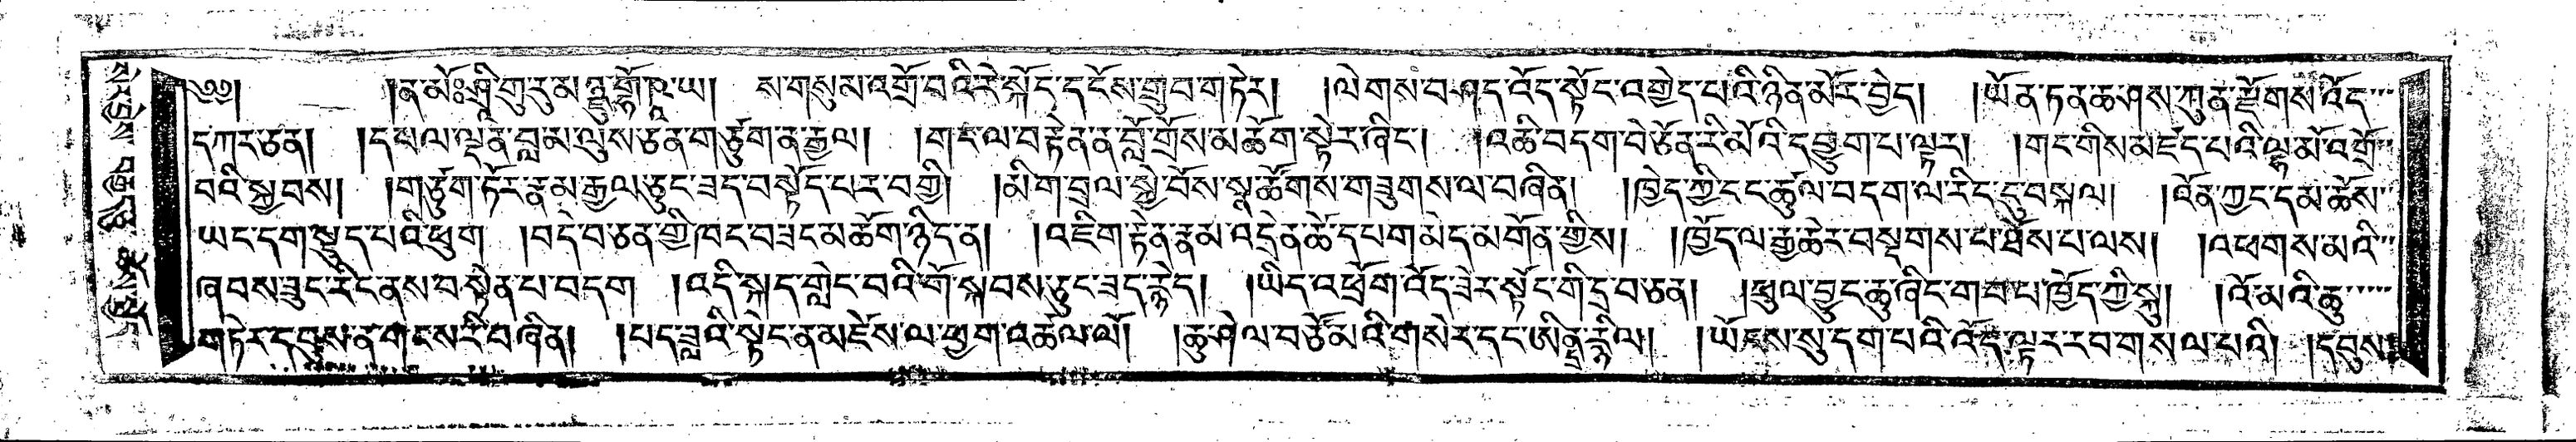༄༅། །ན་མོཿ ཤྲཱི་གུ་རུ་མཉྫུ་གྷོ་ཥཱ་ཡ། །ས་གསུམ་འགྲོ་བའི་རེ་སྐོང་དངོས་གྲུབ་གེར། །ལེགས་བཤད་འོད་སྟོང་འགྲེད་པའི་ཉིན་མོར་བྱེད། །ཡོན་ཏན་ཆ་ཤ་ཀུན་རྫོགས་འོད་
དཀར་ཅན། །དཔལ་ལྡན་བླ་མ་ལུས་ཅན་གཙུག་ན་རྒྱལ། །གང་ལ་བརྟེན་ན་བློ་གྲོས་མཆོག་སྟེར་ཞིང་། །འཆི་བདག་བི་ཅོན་ཏི་མོའི་དབྱུག་པ་ལྟར། །གང་གིས་མཛད་པའི་ལྷ་མོ་འགྲོ་
བའི་སྐྱབས། །གཙུག་ཏོར་རྣམ་རྒྱལ་ཅུང་ཟད་བསྟོད་པར་བགྱི། །མིག་བྲལ་སྐྱེ་བོས་སྣ་ཚོགས་གཟུགས་ལ་བཞིན། །ཁྱེད་ཀྱི་ང་ཚུལ་བདག་ལ་རིང་དུ་བསྐལ། །འོན་ཀྱང་དམ་ཆོས་
ཡང་དག་སྡུད་པའི་ཕུག །བདེ་བ་ཅན་གྱི་ཁང་བཟང་མཆོག་ཉིད་ན། །འཇིག་རྟེན་རྣམ་འདྲེན་ཚེ་དཔག་མེད་མགོན་གྱིས། །ཁྱོད་ལ་རྒྱ་ཆེར་བསྔགས་པ་ཐོས་པ་ལས། །འཕགས་མའི་
ཞབས་ཟུང་རིང་ནས་བསྟེན་པ་བདག་།འདི་སྐད་གླེང་བའི་གོ་སྐབས་ཅུང་ཟད་རྙེད། །ཡིད་འཕྲོག་འོད་ཟེར་སྟོང་གི་དྲ་བ་ཅན། །ཕུལ་བྱུང་ཆུ་ཞིང་གབ་པ་ཁྱོད་ཀྱི་སྐུ། །འོ་མའི་ཆུ་
གཏེར་དབུས་ན་གང་རི་བཞིན། །པད་ཟླའི་སྟེང་ན་མཛེས་ལ་ཕྱག་འཚལ་ལོ། །ཆུ་ཤེལ་བཙོ་མའི་གསེར་དང་ཨིནྡྲ་རྙིལ། །ཡོངས་སུ་དག་པའི་འོད་ལྟར་རབ་གསལ་བའི། །དབུས་